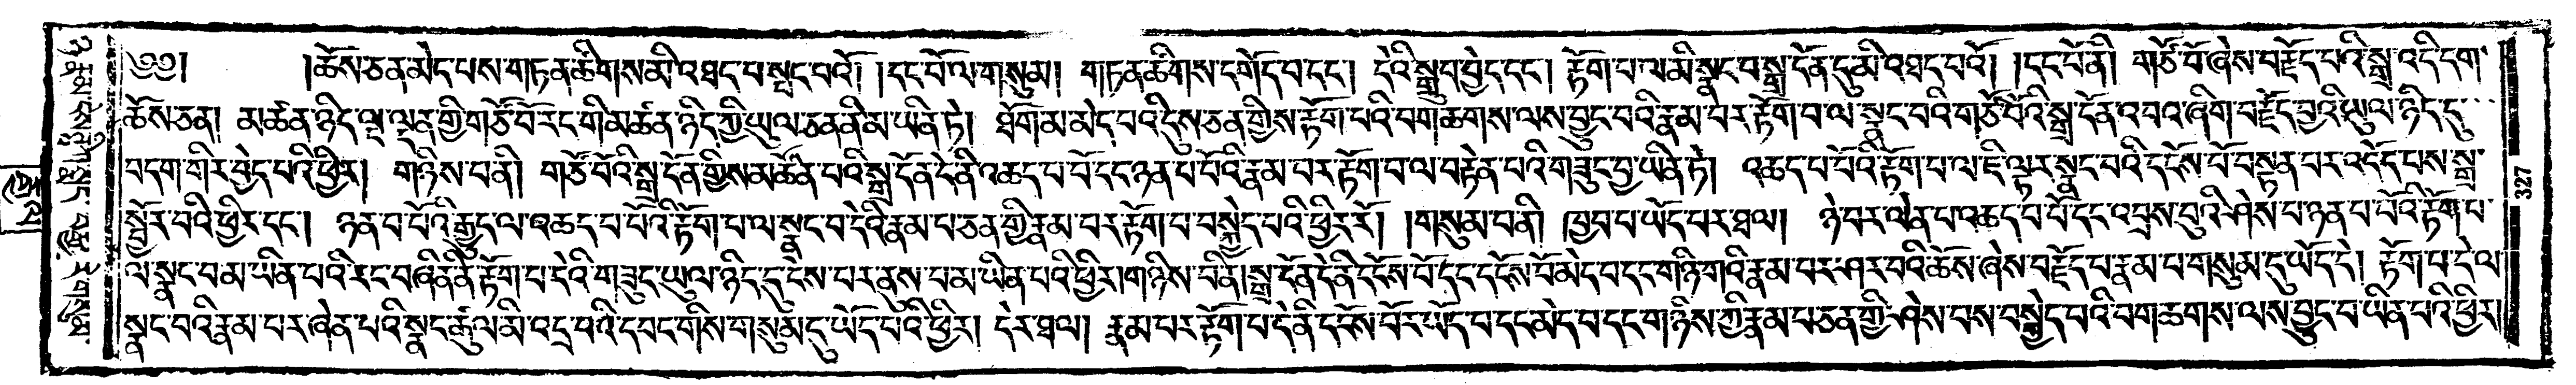༄༅། །ཆོས་ཅན་མེད་པས་གཏན་ཚིགས་མི་འཐད་པ་སྤང་བའོ། །དང་པོ་ལ་གསུམ། གཏན་ཚིག་དགོད་བ་དང་། དེའི་སྒྲུབ་བྱེད་དང་། རྟོག་པ་ལ་མི་སྣང་བ་སྒྲ་དོན་དུ་མི་འཐད་པའོ། །དང་པོ་ནི། གཙོ་བོ་ཞེས་བརྗོད་པའི་སྒྲ་འདི་དག་
ཆོས་ཅན། མཚན་ཉིད་ལྔ་ལྡན་གྱི་གཙོ་བོ་རང་གི་མཚན་ཉིད་ཀྱི་ཡུལ་ཅན་ནི་མ་ཡིན་ཏེ། ཐོག་མ་མེད་པའི་དུས་ཅན་གྱིས་རྟོག་པའི་བག་ཆགས་ལས་བྱུང་བའི་རྣམ་པར་རྟོག་བ་ལ་སྣང་བའི་གཙོ་བོའི་སྒྲ་དོན་འབའ་ཞིག་བརྗོད་བྱའི་ཡུལ་ཉིད་དུ་
བདག་གིར་བྱེད་པའི་ཕྱིར། གཉིས་པ་ནི། གཙོ་བོའི་སྒྲ་དོན་གྱིས་མཚོན་པའི་སྒྲ་དོན་དེ་ནི་འཆད་པ་བོ་དང་ཉན་པ་པོའི་རྣམ་བར་རྟོག་པར་ལ་བརྟེན་པའི་གཟུང་བྱ་ཡིན་ཏེ། འཆད་པ་པོའི་རྟོག་པ་ལ་ཇི་ལྟར་སྣང་བའི་དངོས་པོ་བསྟན་པར་འདོད་པས་སྒྲ་
སྦྱོར་པའི་ཕྱིར་དང་། ཉན་བ་པོའི་རྒྱུད་ལ་འཆད་པ་པོའི་རྟོགས་པ་ལ་སྔན་བ་དེའི་རྣམ་པ་ཅན་གྱི་རྣམ་བར་རྟོག་པ་བསྐྱེད་པའི་ཕྱིར་རོ། །གསུམ་པ་ནི། ཁྱབ་པ་ཡོད་པར་ཐལ། ཉེ་བར་ལེན་པ་འཆད་པ་པོ་དང་འབྲས་བུའི་ཤེས་པ་ཉན་པ་པོའི་རྟོག་པ་
ལ་སྣང་བ་མ་ཡིན་པའི་རང་བཞིན་ནི་རྟོག་པ་དེའི་གཟུང་ཡུལ་ཉིད་དུ་ངེས་པར་ནུས་པ་མ་ཡིན་པའི་ཕྱིར། གཉིས་བ་ནི། སྒྲ་དོན་དེ་ནི་དངོས་པོ་དང་དངོས་པོ་མེད་བ་དང་གཉི་གའི་རྣམ་པར་ཤར་བའི་ཆོས་ཞེས་བརྗོད་པ་རྣམ་པ་གསུམ་དུ་ཡོད་དེ། རྟོག་པ་དེ་ལ་
སྣང་བའི་རྣམ་པར་ཞེན་པའི་སྣང་ཚུལ་མི་འདྲ་བའི་དབང་གིས་གསུམ་དུ་ཡོད་པའི་ཕྱིར། དེར་ཐལ། རྣམ་པར་རྟོག་པ་དེ་ནི་དངོས་པོར་ཡོད་བ་དང་མེད་བ་དང་གཉིས་ཀྱི་རྣམ་པ་ཅན་གྱི་ཤེས་པས་བསྐྱེད་པའི་བག་ཆགས་ལས་བྱུང་བ་ཡིན་པའི་ཕྱིར།